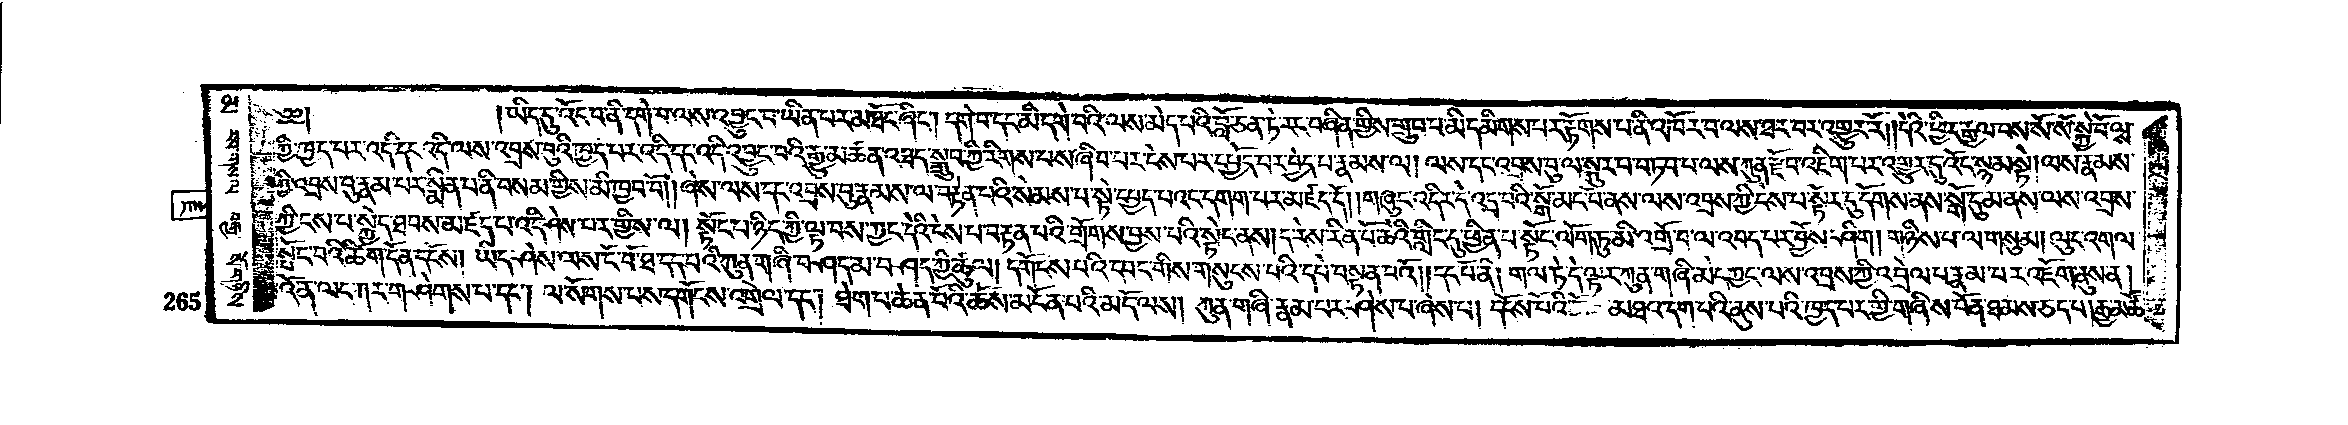༄༅། །ཡིད་དུ་འོང་བ་ནི་དགེ་བ་ལས་འབྱུང་བ་ཡིན་པར་མཐོང་ཞིང་། དགེ་བ་དང་མི་དགེ་བའི་ལས་མེད་པའི་བློ་ཅན་ཏེ་རང་བཞིན་གྱིས་གྲུབ་པ་མི་དམིགས་པར་རྟོགས་པ་ནི་འཁོར་བ་ལས་ཐར་བར་འགྱུར་རོ། །དེའི་ཕྱིར་རྒྱལ་བས་སོ་སོ་སྐྱེ་བོ་ལས་
ཀྱི་ཁྱད་པར་འདི་དང་འདི་ལས་འབྲས་བུའི་ཁྱད་པར་འདི་དང་འདི་འབྱུང་བའི་རྒྱུ་མཚན་འཐད་སྒྲུབ་ཀྱི་རིགས་པས་ཞིབ་པར་ངེས་པར་དཔྱོད་པར་བྱེད་པ་རྣམས་ལ། ལས་དང་འབྲས་བུ་ལ་སྐུར་པ་བཏབ་པ་ལས་ཀུན་རྫོབ་འཇིག་པར་འགྱུར་དུ་འོང་སྙམ་སྟེ། ལས་རྣམས་
ཀྱི་འབྲས་བུ་རྣམ་པར་སྨིན་པ་ནི་བསམ་གྱིས་མི་ཁྱབ་བོ། །ཞེས་ལས་དང་འབྲས་བུ་རྣམས་ལ་བརྟེན་པའི་སེམས་པ་སྟེ་དཔྱད་པའང་དགག་པར་མཛད་དོ། །གཞུང་འདིར་དེ་འདྲ་བའི་སྒོ་མང་པོ་ནས་ལས་འབྲས་ཀྱི་ངེས་པ་སྟོར་དུ་དྭོགས་ནས་སྒོ་དུ་མ་ནས་ལས་འབྲས་
ཀྱི་ངེས་པ་སྐྱེད་ཐབས་མཛད་པ་འདི་ཤེས་པར་གྱིས་ལ། སྟོང་པ་ཉིད་ཀྱི་ལྟ་བས་ཀྱང་དེའི་ངེས་པ་བརྟན་པའི་གྲོགས་བྱས་པའི་སྟེང་ནས། ད་རེས་རིན་པོ་ཆེའི་གླིང་དུ་ཕྱིན་པ་སྟོང་ལོག་ཏུ་མི་འགྲོ་བ་ལ་འབད་པར་བྱོས་ཤིག །གཉིས་པ་ལ་གསུམ། ལུང་འགལ་
སྤོང་བའི་ཚིག་དོན་དངོས། ཡིད་ཤེས་ལས་ངོ་བོ་ཐ་དད་པའི་ཀུན་གཞི་བཤད་མ་བཤད་ཀྱི་ཚུལ། དགོངས་པའི་དབང་གིས་གསུངས་པའི་དཔེ་བསྟན་པའོ། །དང་པོ་ནི། གལ་ཏེ་དེ་ལྟར་ཀུན་གཞི་མེད་ཀྱང་ལས་འབྲས་ཀྱི་འབྲེལ་པ་རྣམ་པར་འཇོག་ནུས་ན།
འོ་ན་ལང་ཀར་གཤེགས་པ་དང་། ལ་སོགས་པས་དགོངས་འགྲེལ་དང་། ཐེག་པ་ཆེན་པོའི་ཆོས་མངོན་པའི་མདོ་ལས། ཀུན་གཞི་རྣམ་པར་ཤེས་པ་ཞེས་པ། དངོས་པོའི་ཆོས་མཐའ་དག་པའི་ནུས་པའི་ཁྱད་པར་གྱི་གཞི་ས་བོན་ཐམས་ཅད་པ། རྒྱ་མཚོ་